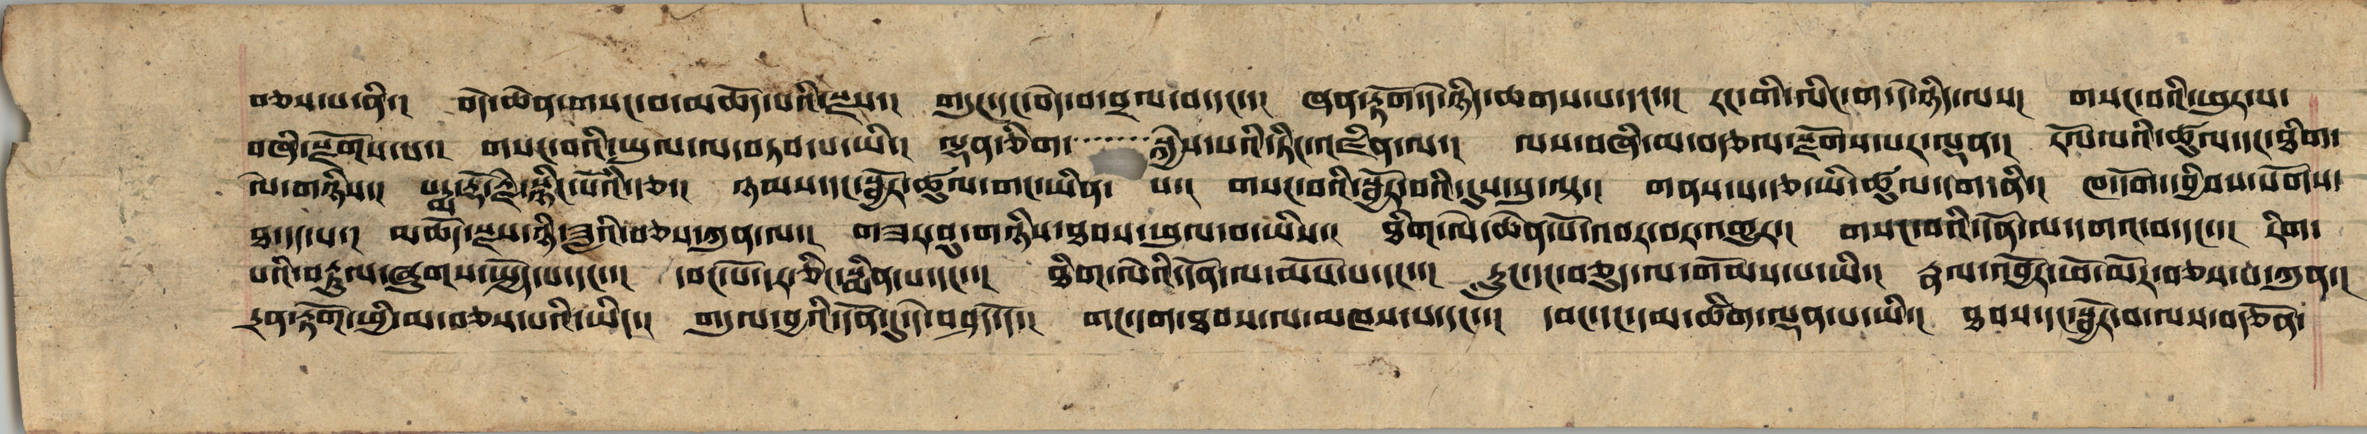བཅས་པ་ནི་། བདེ་ཆེན་གསང་བ་མཆོད་པའི་སྫས་། གདུཌ་དང་བདེ་བ་བྲལ་བ་དང་་། ཞན་རྟོག་དེ་ཉིད་ཆགས་པ་དང་་། རང་གི་ལིང་ག་དེ་ཉིད་ལས་། གསང་བའི་ཕུར་པ་
བཞི་སྫོགས་པ་། གསང་བའི་ཡུལ་ལ་བཏབ་པ་ཡི་། ལྷན་ཅིག་་་་་་་སྐྱེས་པའི་ཏིང་འཛིན་ལ་། ལས་བཞི་མ་བརྩལ་སྫོགས་པར་ལྡན་། རོལ་པའི་ཚུལ་དང་ཐིག་
ལེ་གཉིས་། པདྨ་རྡོ་རྗེ་སྙིང་པོའི་རྩ་། ཉམས་དང་སྦྱོར་ཚུལ་གང་ཡིན་ པ་། གསང་བའི་སྦྱོར་བའི་དུས་སུ་ལྟ་། གནས་པ་རྩ་ཡི་ཚུལ་དག་ནི་། ཁ་དོག་དབྱིབས་སོགས་
ཐ་དད་པ་། མཆོད་སྫས་ཉི་ཟླའི་བཅས་ཀུན་ལ་། གཟར་བུ་གཉིས་ཐབས་ཕུལ་བ་ཡིས་། ཐིག་ལེ་ཆེན་པོ་འབར་བར་འགྱུར་། གསང་བའི་དོན་ལ་དགའ་བ་དང་་། རིག་
པའི་བརྟུལ་ཞུགས་སྤྱོད་པ་དང་་། དབང་པོ་དར་ཅིང་སྨིན་པ་དང་་། ཐིག་ལེའི་དོན་ལ་མོས་པ་དང་་། རླུང་དང་བཅུད་ལ་གོམས་པ་ཡི་། རྣལ་འབྱོར་ཕོ་མོར་བཅས་པ་ཀུན་།
དྲན་རྟོག་ཕྱི་མ་བཅས་པའི་ཡིད་། གདུལ་བྱའི་དོན་དུ་དེ་བཤད་དོ་། གང་དག་ཐབས་ལ་མཁས་པ་དང་་། དབང་དང་དམ་ཚིག་ལྡན་པ་ཡི་། ཐབས་དང་སྦྱོར་བ་ལས་བརྩོན་